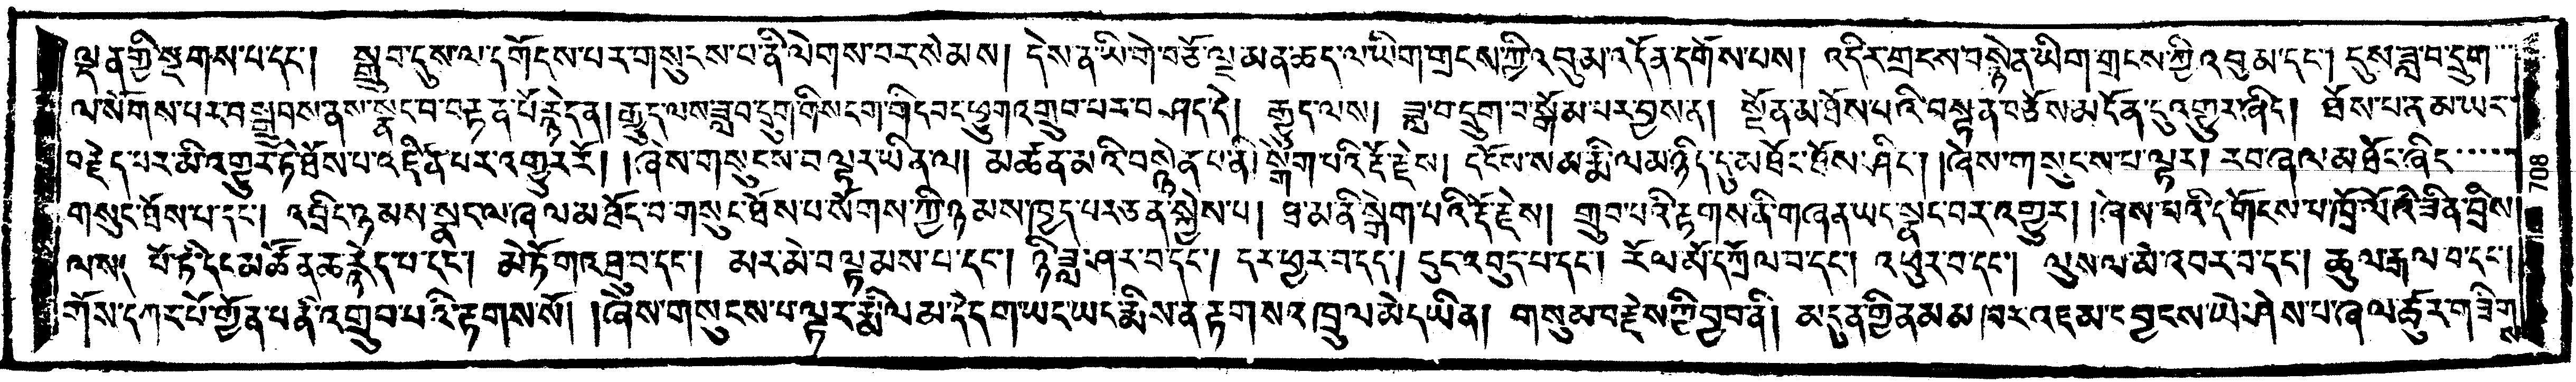ལྡན་གྱི་སྔགས་པ་དང་། སྒྲུབ་དུས་ལ་དགོངས་པར་གསུངས་པ་ནི་ལེགས་པར་སེམས། དེས་ན་ཡི་གེ་བཅོ་ལྔ་མན་ཆད་ལ་ཡིག་གྲངས་ཀྱི་འབུམ་འདོན་དགོས་པས། འདིར་གྲངས་བསྙེན་མིག་གྲངས་ཀྱི་འབུམ་དང་། དུས་ཟླ་བ་དྲུག་
ལ་སོགས་པར་བསྒྲུབ་ནས་སྣང་བ་བརྟན་པོ་རྙེང་ན། རྒྱུད་ལས་ཟླ་བ་དྲུག་གིས་ངག་གི་དབང་ཕྱུག་འགྲུབ་པར་བཤད་དེ། རྒྱུད་ལས། ཟླ་བ་དྲུག་བ་སྒོམ་པར་བྱས་ན། སྔོན་མ་ཐོས་པའི་བསྟན་བཅོས་མདོན་དུ་འགྱུར་ཞིང་། ཐོས་པ་ནམ་ཡང་
བརྗེད་པར་མི་འགྱུར་ཏེ་ཐོས་པ་འཛིན་པར་འགྱུར་རོ། །ཞེས་གསུངས་པ་ལྟར་ཡིན་ལ། མཚན་མའི་བསྙེན་པ་ནི། སྒེག་པའི་རྡོ་རྗེས། དངོས་སམ་རྨི་ལམ་ཉིད་དུ་མཐོང་ཐོས་ཤིང་། །ཞེས་གསུངས་པ་ལྟར། རབ་ཞལ་མཐོང་ཞིང་
གསུང་ཐོས་པ་དང་། འབྲིང་ཉམས་སྣང་ལ་ཞལ་མཐོང་བ་གསུང་ཐོས་པ་སོགས་ཀྱི་ཉམས་ཁྱད་པར་ཅན་སྐྱེས་པ། ཐ་མ་ནི་སྒེག་པའི་རྡོ་རྗེས། གྲུབ་པའི་རྟགས་ནི་གཞན་ཡང་སྣང་བར་འགྱུར། །ཞེས་པའི་དགོངས་པ་ཁྲོ་ལོའི་ཟིན་བྲིས་
ལས༑ པོ་ཏི་དང་མཚོན་ཆ་རྙེད་པ་དང་། མེ་ཏོག་འཐུ་བ་དང་། མར་མེ་བལྟམས་པ་དང་། ཉི་ཟླ་ཤར་བ་དང་། དར་ཕྱག་བ་དང་། དུང་འབུད་པ་དང་། རོལ་མོ་དཀྲོལ་བ་དང་། འཕུར་བ་དང་། ལུས་ལ་མེ་འབར་བ་དང་། ཆུ་ལ་རྒལ་བ་དང་
གོས་དཀར་པོ་གྱོན་པ་ནི་འགྲུབ་པའི་རྟག་སོ། །ཞེས་གསུངས་པ་ལྟར་རྨི་ལམ་དེ་དག་ཡང་རྨིས་ན་རྟགས་འཁྲུལ་མེད་ཡིན། གསུམ་བརྗེས་ཀྱི་བྱ་བ་ནི། མདུན་གྱི་ནམ་མཁར་འཇམ་དབྱངས་ཡེ་ཤེས་པ་ཞལ་ཚུར་གཟིགས་